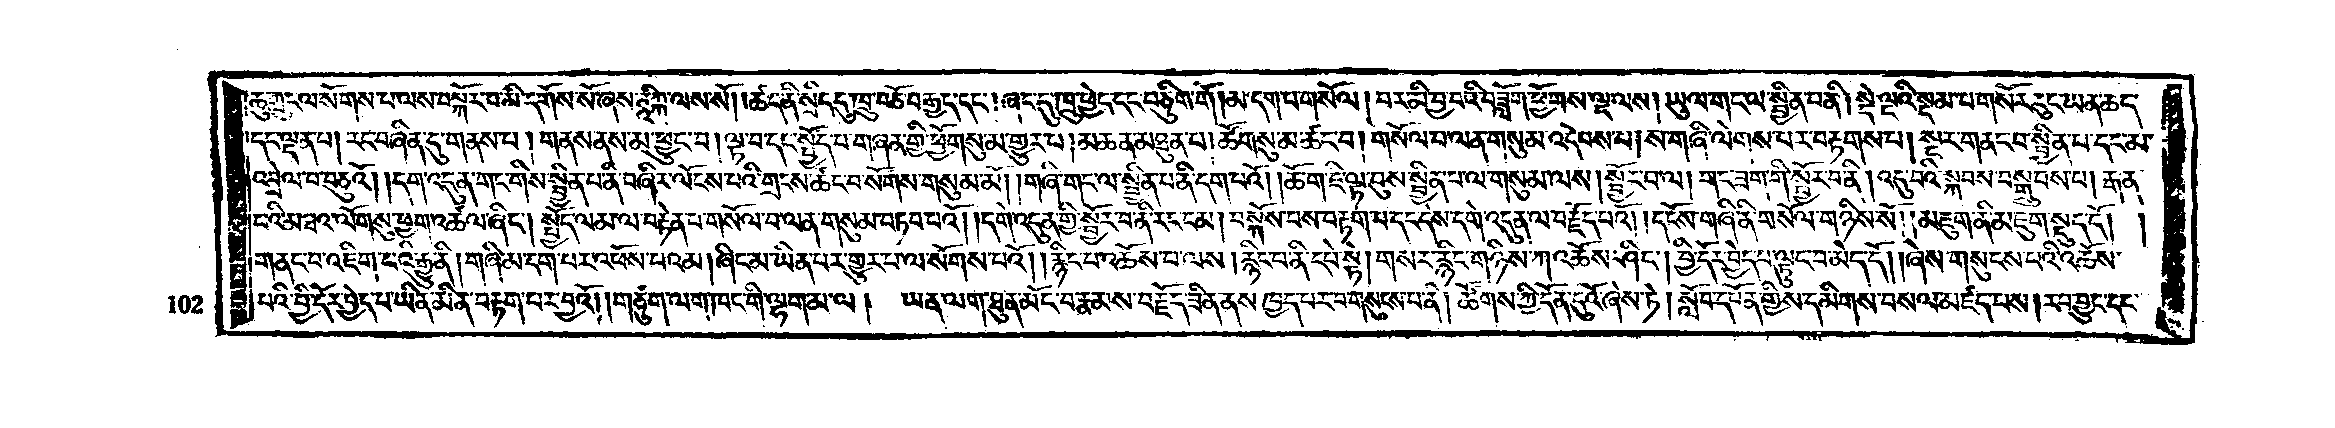ཆུ་གྐུང་ལ་སོགས་པ་ལས་བསྐོར་བ་མི་དགོས་སོ་ཞེས་ཊཱིཀྐ་ལས་སོ། །ཚད་ནི་སྲིད་དུ་ཁྲུ་བཅོ་བརྒྱད་དང་། ཞང་དུ་ཁྲུ་ཕྱེད་དང་བཅུ་གཅིག་གོ །མ་དག་པ་གསོལ། བར་མི་བྱ་བའི་བཟློག་ཕྱོགས་ལྔ་ལས། ཡུལ་གང་ལ་སྦྱིན་པ་ནི། སྡེ་ལྔའི་སྡམ་པ་གསོར་རུང་ཡན་ཆད་
དང་ལྡན་པ། རང་བཞིན་དུ་གནས་པ། གནས་ནས་མ་ཕྱུང་བ། ལྟ་བ་དང་སྤྱོད་པ་གཞན་གྱི་ཕྱོགས་སུ་མ་གྱུར་པ། མཚན་མཐུན་པ། ཚོགས་སུ་མ་ཚང་བ། གསོལ་བ་ལན་གསུམ་འདེབས་པ། ས་གཞི་ལེགས་པར་བརྟགས་པ། སྔར་གནང་བ་སྦྱིན་པ་དང་མ་
འབྲེལ་བ་བཅུའོ། །དགེ་འདུན་གང་གིས་སྦྱིན་པ་ནི་བཞིར་ལོངས་པའི་གྲངས་ཚང་བ་སོགས་གསུམ་མོ། །གཞི་གང་ལ་སྦྱིན་པ་ནི་དག་པའོ། །ཆོ་ག་ཇི་ལྟ་བུས་སྦྱིན་པ་ལ་གསུམ་ལས། སྦྱོར་བ་ལ། གང་ཟག་གི་སྦྱོར་བ་ནི། འདུ་བའི་སྐབས་བསྒྲུབས་པ། རྒན་
པའི་མཐའ་ལོགས་སུ་ཕྱག་འཚལ་ཞིང་། སྤྱོད་ལམ་ལ་བརྟེན་པ་གསོལ་བ་ལན་གསུམ་བཏབ་པའོ། །དགེ་འདུན་གྱི་སྦྱོར་བ་ནི་རང་གམ། བསྐོས་པས་བརྟག་པ་དང་དེས་དགེ་འདུན་ལ་བརྗོད་པའོ། །དངོས་གཞི་ནི་གསོལ་གཉིས་སོ། །མཇུག་ནི་མཇུག་སྡད་དོ། །
གནང་བ་འཇིག་པའི་རྒྱུ་ནི། གཞི་མ་དག་པར་འཕོས་པའམ། ཞིང་མ་ཡིན་པར་གྱུར་པ་ལ་སོགས་པའོ། །རྙིང་པ་འཆོས་པ་ལས། རྙིང་པ་ནི་དཔེ་སྟེ། གསར་རྙིང་གཉིས་ཀ་འཆོས་ཤིང་། བྱི་དོར་བྱེད་པ་ལྟུང་བ་མེད་དོ། །ཞེས་གསུངས་པའི་འཆོས་
པའི་བྱི་དོར་བྱེད་པ་ཡིན་མིན་བརྟག་པར་བྱའོ། །གཙུག་ལག་ཁང་གི་ལྷག་མ་ལ། ཡན་ལག་ཐུན་མོང་བ་རྣམས་བརྗོད་ཟིན་ནས་ཁྱད་པར་བ་གསུངས་པ་ནི། ཚོགས་ཀྱི་དོན་དུའོ་ཞེས་ཏེ། སློབ་དཔོན་དམིགས་བསལ་མཛད་པས། རབ་བྱུང་དན་